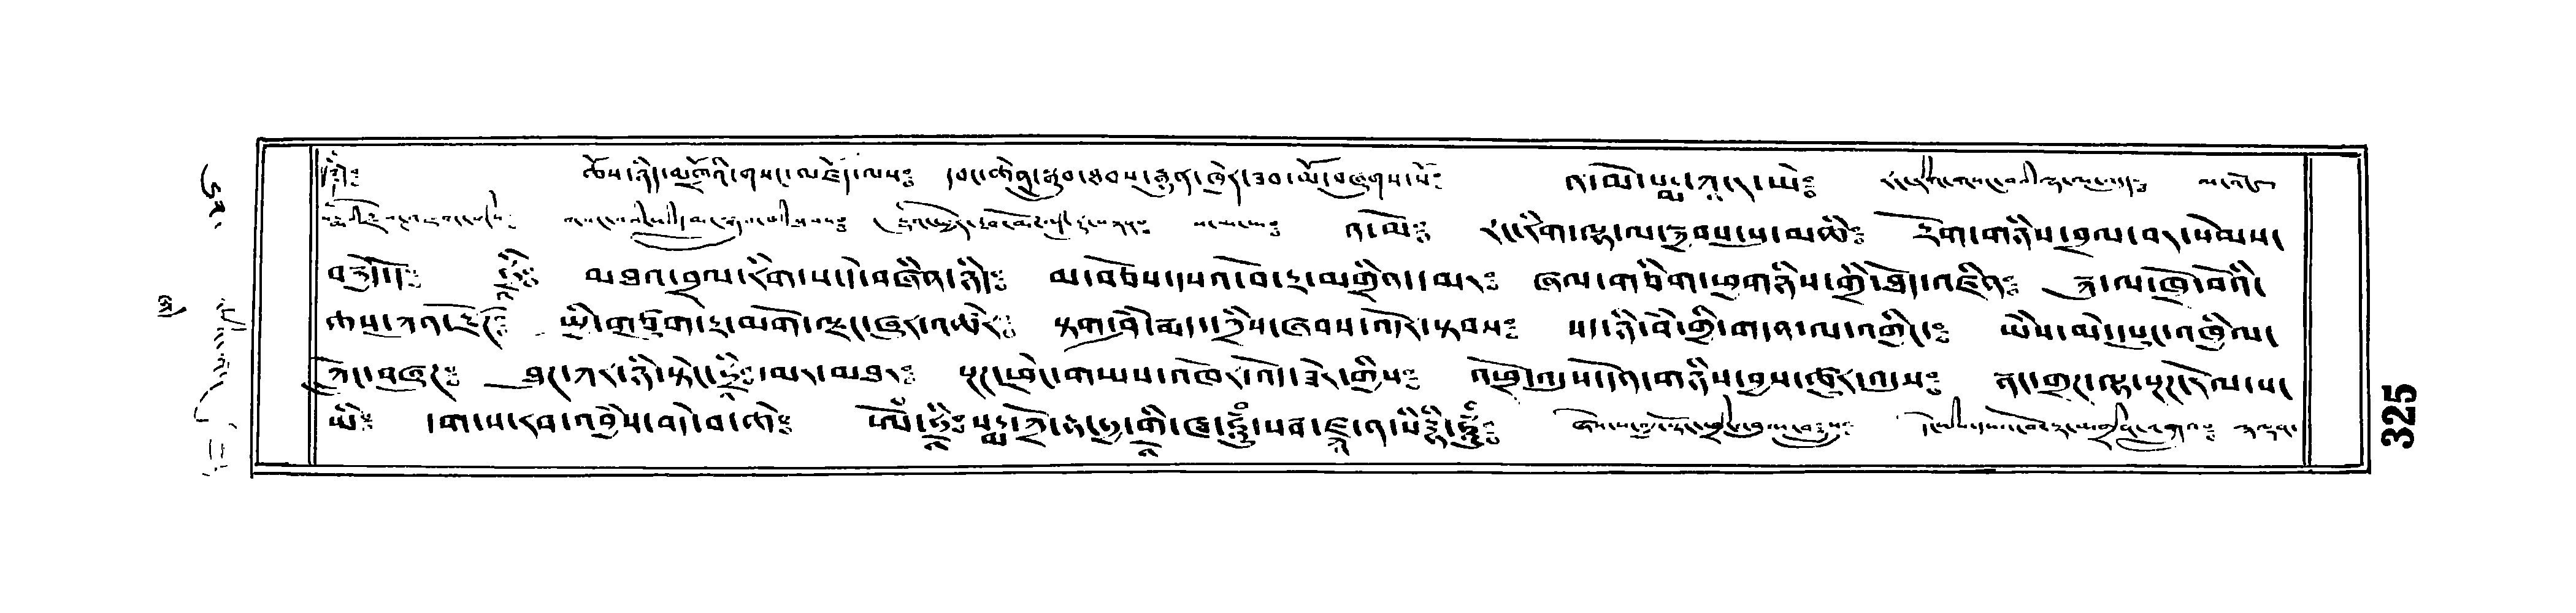ཆོས་ཉིད་མཁའ་འགྲོའི་གསང་མཛོད་ལས༔ དབང་ཆེན་སྒྲུབ་ཐབས་རྒྱུན་ཁྱེར་ཟབ་མོ་བཞུགས་སོ༔ ན་མོ་པདྨ་ཀཱ་ར་ཡེ༔ རང་རིག་གསང་བའི་ལྷ་ལ་འདུད༔ མ་འོངས་
པདྨའི་རྗེས་འཇུག་གིས༔ གསང་བའི་ཡི་དམ་སྒྲུབ་པའི་ཐབས༔ རྒྱུན་ཁྱེར་ཟབ་མོ་འདི་རུ་བསྟན༔ ས་མ་ཡ༔ ན་མོ༔ རང་རིག་ལྷ་ལ་སྐྱབས་སུ་མཆི༔ རྟོག་གཉིས་བྲལ་བར་སེམས་
བསྐྱེད་དོ༔ ཧྲཱིཿ མཐའ་བྲལ་རིག་པ་དེ་བཞིན་ཉིད༔ མ་བཅོས་དཔའ་བོ་རྟ་མགྲིན་དམར༔ ཞལ་གཅིག་ཕྱག་གཉིས་གྲི་ཐོད་འཛིན༔ སྐུ་ལ་ཁྲོ་བོའི་
ཆས་ཀུན་རྫོགས༔ སྤྱི་གཙུག་རྟ་མགོ་ལྗང་ཞུར་འཚེར༔ སྟག་ཤམ་སྨད་དཀྲིས་ཞབས་འདོར་སྟབས༔ པད་ཉི་བམ་གྱི་གདན་ལ་འགྱིང༔ ཡེ་ཤེས་མེ་དཔུང་འཁྱིལ་
ཀློང་བཞུགས༔ ཐུགས་ཀར་ཉི་སྟེང་ཧྲཱིཿདམར་མཐར༔ སྔགས་ཕྲེང་གཡས་འཁོར་འོད་ཟེར་གྱིས༔ འཕྲོ་འདུས་དོན་གཉིས་བྱས་ཚུར་འདུས༔ སྣང་གྲགས་ལྷ་སྔགས་རོལ་པ་
ཡི༔ དག་པ་རབ་འབྱམས་བདེ་བ་ཆེ༔ ཨོཾ་ཧྲཱིཿཔདྨ་ཀྲོ་དྷ་ཧྱ་གྲཱི་ཝ་ཧཱུྃ་སརྦ་ཛྙཱ་ན་སིདྡྷི་ཧཱུྃ༔ ཞེས་པ་བརྒྱ་སྟོང་ཁྲི་འབུམ་བཟླས༔ དེ་ཡིས་དཔའ་བོ་རྟ་མགྲིན་འགྲུབ༔ སྐལ་ལྡན་